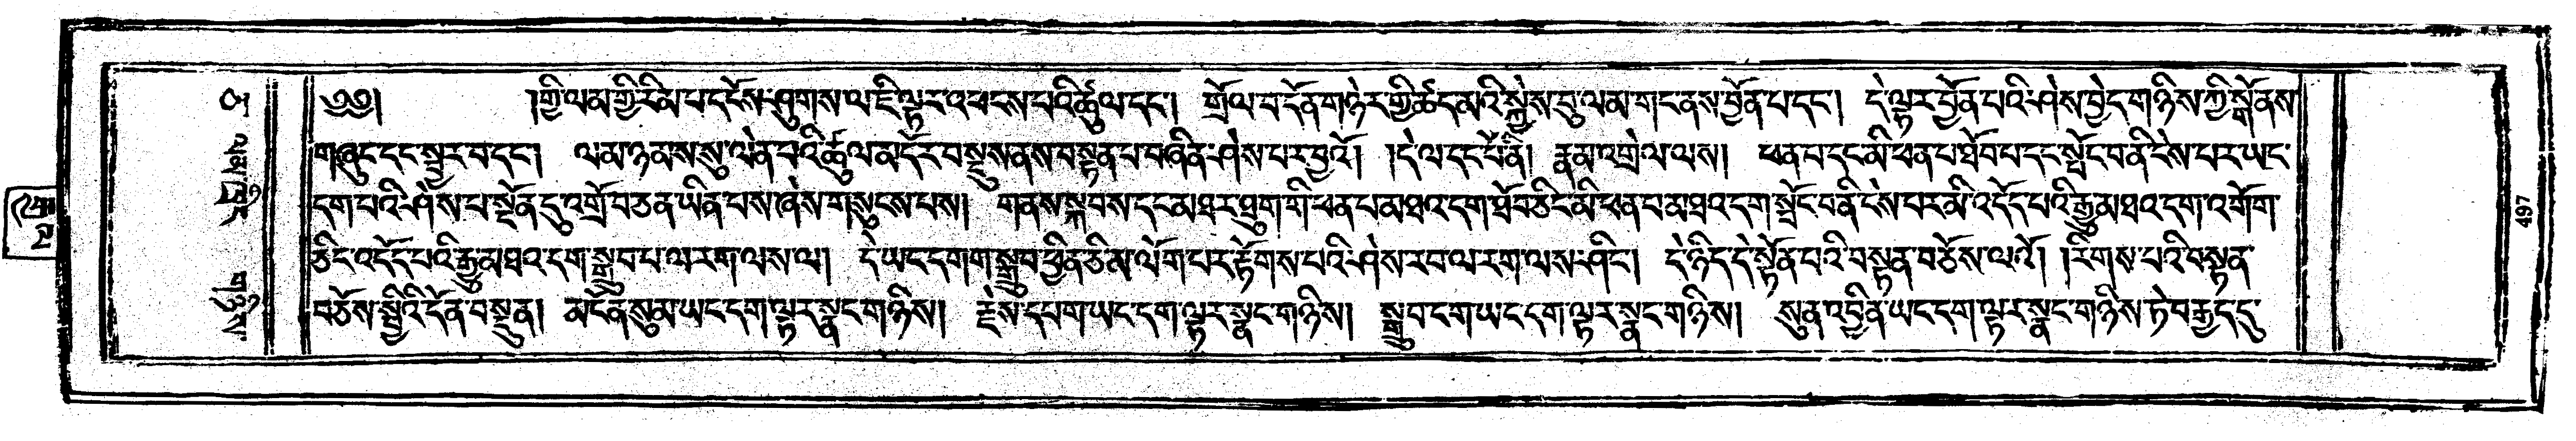༄༅། །གྱི་ལམ་གྱི་རིམ་པ་དངོས་ཤུགས་ལ་ཇི་ལྟར་འཕངས་པའི་ཚུལ་དང་། གྲོལ་བ་དོན་གཉེར་གྱི་ཚད་མའི་སྐྱེས་བུ་ལམ་གང་ནས་བྱོན་པ་དང་། དེ་ལྟར་བྱོན་པའི་ཤེས་བྱེད་གཉིས་ཀྱི་སྒོ་ནས་
གཞུང་དང་སྦྱར་བ་དང་། ལམ་ཉམས་སུ་ལེན་པའི་ཚུལ་མདོར་བསྡུས་ནས་བསྟན་པ་བཞིན་ཤེས་པར་བྱའོ། །དེ་ལ་དང་པོ་ནི། རྣམ་འགྲེལ་ལས། ཕན་པ་དང་མི་ཕན་པ་ཐོབ་པ་དང་སྤོང་བ་ནི་ངེས་པར་ཡང་
དག་པའི་ཤེས་པ་སྔོན་དུ་འགྲོ་བ་ཅན་ཡིན་པས་ཞེས་གསུངས་པས། གནས་སྐབས་དང་མཐར་ཐུག་གི་ཕན་པ་མཐའ་དག་ཐོབ་ཅིང་མི་ཕན་པ་མཐའ་དག་སྤོང་བ་ནི་ངེས་པར་མི་འདོད་པའི་རྒྱུ་མཐའ་དག་འགོག་
ཅིང་འདོད་པའི་རྒྱུ་མཐའ་དག་སྒྲུབ་པ་ལ་རག་ལས་ལ། དེ་ཡང་དགག་སྒྲུབ་ཕྱིན་ཅི་མ་ལོག་པར་རྟོགས་པའི་ཤེས་རབ་ལ་རག་ལས་ཤིང་། དེ་ཉིད་དེ་སྟོན་པའི་བསྟན་བཅོས་ལའོ། །རིགས་པའི་བསྟན་
བཅོས་སྤྱིའི་དོན་བསྡུ་ན། མངོན་སུམ་ཡང་དག་ལྟར་སྣང་གཉིས། རྗེས་དཔག་ཡང་དག་ལྟར་སྣང་གཉིས། སྒྲུབ་ངག་ཡང་དག་ལྟར་སྣང་གཉིས། སུན་འབྱིན་ཡང་དག་ལྟར་སྣང་གཉིས་ཏེ་བརྒྱད་དུ་